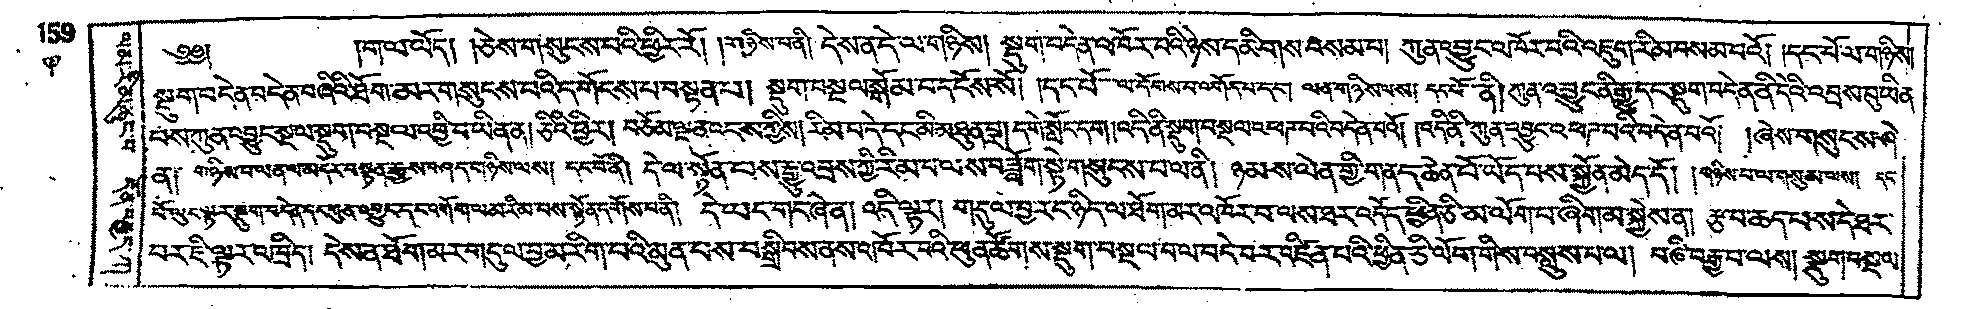༄༅། །ག་ལ་ཡོད། །ཅེས་གསུངས་པའི་ཕྱིར་རོ། །གཉིས་པ་ནི།  དེས་ན་དེ་ལ་གཉིས། སྡུག་བདེན་འཁོར་བའི་ཉེས་དམིགས་བསམ་པ། ཀུན་འབྱུང་འཁོར་བའི་འཇུག་རིམ་བསམ་པའོ། །དང་པོ་ལ་གཉིས་
སྡུག་བདེན་བདེན་བཞིའི་ཐོག་མར་གསུངས་པའི་དགོངས་པ་བསྟན་པ། སྡུག་བསྔལ་སྒོམ་པ་དངོས་སོ། །དང་པོ་ལ་དོགས་པ་འགོད་པ་དང་། ལན་གཉིས་ལས་དང་པོནི། ཀུན་འབྱུང་ནི་རྒྱུ་དང་སྡུག་བདེན་ནི་དེའི་འབྲས་བུ་ཡིན་
པས་ཀུན་འབྱུང་སྔ་ལ་སྡུག་བསྔལ་འཕྱི་བ་ཡིན་ན། ཅིའི་ཕྱིར། བཅོམ་ལྡན་འདས་ཀྱིས། རིམ་པ་དེ་དང་མི་མཐུན་པར། དགེ་སློང་དག། འདི་ནི་སྡུག་བསྔལ་འཕཌ་པའི་བདེན་པའོ། །འདི་ནི་ཀུན་འབྱུང་འཕཌ་པའི་བདེན་པའོ། །ཞེས་གསུངས་ཤེ་
ན༑ གཉིས་པ་ལན་ལ་མདོར་བསྟན་རྒྱས་བཤད་གཉིས་ལས། དང་པོ་ནི།  དེ་ལ་སྟོན་པས་རྒྱུ་འབྲས་ཀྱི་རིམ་པ་ལས་བཟློག་སྟེ་གསུངས་པ་ལ་ནི། ཉམས་ལེན་གྱི་གནད་ཆེན་པོ་ཡོད་པས་སྐྱོན་མེད་དོ། །གཉིས་པ་ལ་གསུམ་ལས། དང་
པོ་ལུང་ལྟར་སྡུག་བདེན་དང་ཀུན་འབྱུང་དང་འགོག་ལམ་རིམ་པས་སྟོན་དགོས་པ་ནི། དེ་ཡང་གང་ཞེ་ན། འདི་ལྟར། གདུལ་བྱ་རང་ཉིད་ལ་ཐོག་མར་འཁོར་བ་ལས་ཐར་འདོད་ཕྱིན་ཅི་མ་ལོག་པ་ཞིག་མ་སྐྱེས་ན། རྩ་བ་ཆད་པས་དེ་ཐར་
པར་ཇི་ལྟར་འཁྲིད། དེས་ན་ཐོག་མར་གདུལ་བྱ་མ་རིག་པའི་མུན་པས་བསྒྲིབས་ནས་འཁོར་བའི་ཕུན་ཚོགས་སྡུག་བསྔལ་བ་ལ་བདེ་བར་འཛིན་པའི་ཕྱིན་ཅི་ལོག་གིས་བསླུས་པ་ལ། བཞི་བརྒྱ་པ་ལས། སྡུག་བསྔལ་